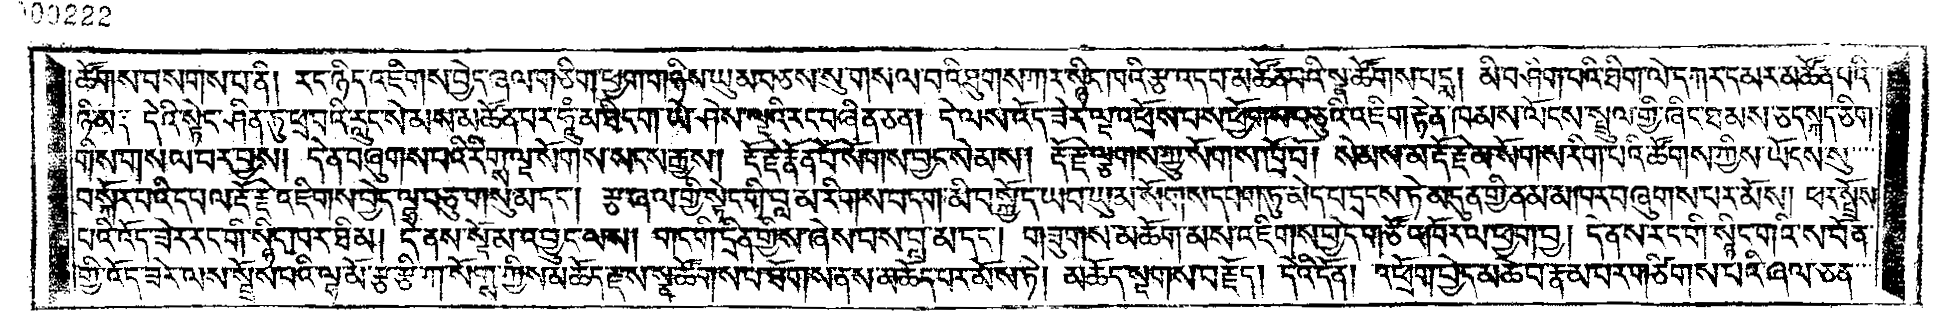ཚོགས་བསགས་པ་ནི། རང་ཉིད་འཇིགས་བྱེད་ཞལ་གཅིག་ཕྱག་གཉིས་ཡུམ་བཅས་སུ་གསལ་བའི་ཐུགས་ཀར་སྙིང་ཁའི་རྩ་འདབ་མཚོན་པའི་སྣ་ཚོགས་པདམ། མི་བཤིག་པའི་ཐིག་ལེ་དཀར་དམར་མཚོན་པའི་
ཉི་མ༑ དེའི་སྟེང་ཤིན་ཏུ་ཕྲ་བའི་རླུང་སེམས་མཚོན་པར་ཧཱུཾ་མཐིང་ག་ཡེ་ཤེས་ལྔའི་རང་བཞིན་ཅན། དེ་ལས་འོད་ཟེར་ལྔ་འཕྲོས་པས་ཕྱོགས་བཅུའི་འཇིག་རྟེན་ཁམས་ལོངས་སྤྲུལ་གྱི་ཞིང་ཐམས་ཅད་སྐད་ཅིག་
གིས་གསལ་བར་བྱས། དེ་ན་བཞུགས་པའི་རིགས་ལྔ་སོགས་སངས་རྒྱས། རྡོ་རྗེ་རྣོན་པོ་སོགས་བྱང་སེམས། རྡོ་རྗེ་ལྕགས་ཀྱུ་སོགས་ཁྲོ་བོ། སེམས་མ་རྡོ་རྗེ་མ་སོགས་རིག་པའི་ཚོགས་ཀྱིས་ཡོངས་སུ་
བསྐོར་བའི་དཔལ་རྡོ་རྗེ་འཇིགས་བྱེད་ལྷ་བཅུ་གསུམ་དང་། རྩ་ཞལ་གྱི་སྟེང་གི་བླ་མ་རིགས་བདག་མི་བསྐྱོད་ཡབ་ཡུམ་སོགས་དཔག་ཏུ་མེད་པ་དྲངས་ཏེ་མདུན་གྱི་ནམ་མཁར་བཞུགས་པར་མོས། ཕར་སྤྲོས་
པའི་འོད་ཟེར་རང་གི་སྙིང་ཁར་ཐིམ། དེ་ནས་སྡོམ་འབྱུང་ལས། གང་གི་དྲིན་གྱིས་ཞེས་པས་བླ་མ་དང་། གཟུགས་མཆོག་མས་འཇིགས་བྱེད་གཙོ་འཁོར་ལ་ཕྱག་བྱ། དེ་ནས་རང་གི་སྙིང་གའི་ས་བོན་
གྱི་འོད་ཟེར་ལས་སྤྲོས་པའི་ལྷ་མོ་རྩ་རྩི་ཀ་སོགས་ཀྱིས་མཆོད་རྫས་སྣ་ཚོགས་པ་ཐོགས་ནས་མཆོད་པར་མོས་ཏེ། མཆོད་སྔགས་བརྗོད། དེའི་དོན། འཕྲོག་བྱེད་མཆེ་བ་རྣམ་པར་གཙིགས་པའི་ཞལ་ཅན་